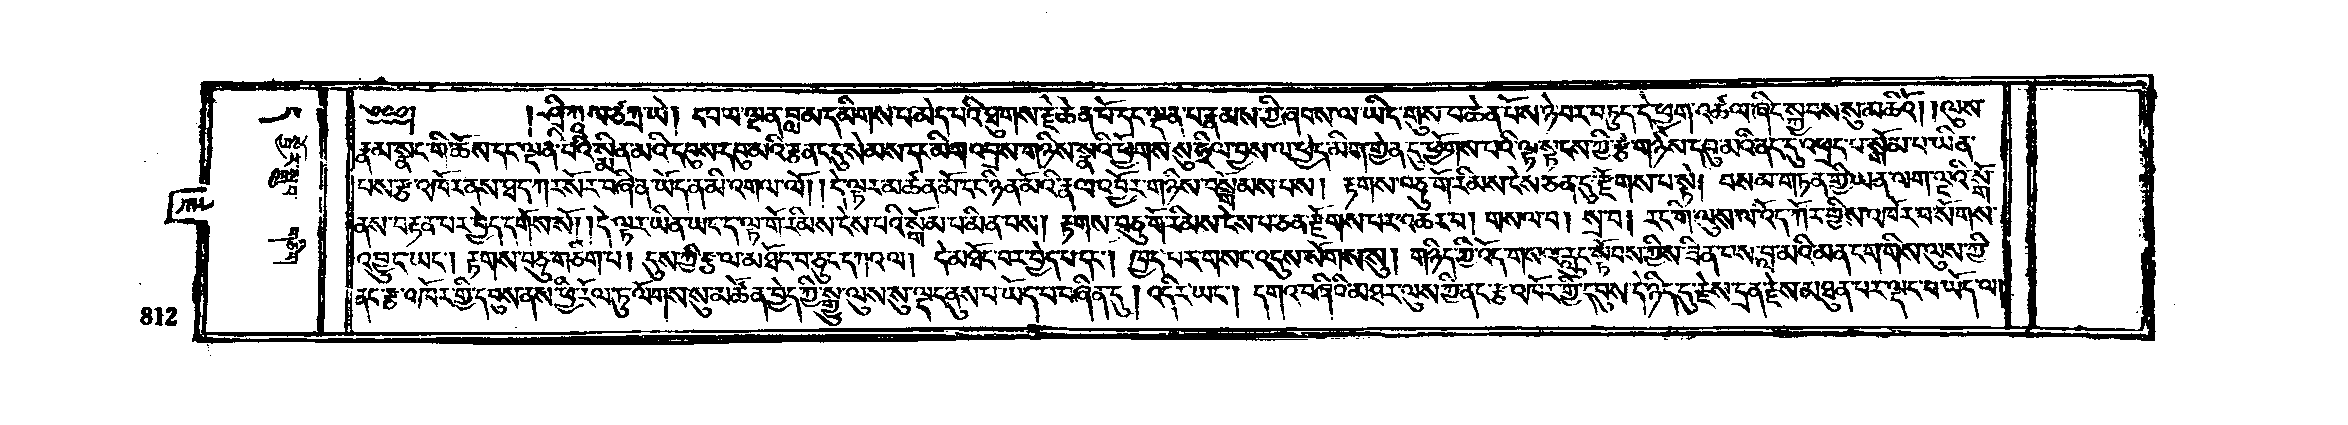༄༅༅། །ཤྲི་ཀཱ་ལ་ཙ་ཀྲ་ཡེ། དཔལ་ལྡན་བླ་མ་དམིགས་པ་མེད་པའི་ཐུགས་རྗེ་ཆེན་པོ་དང་ལྡན་པ་རྣམས་ཀྱི་ཞབས་ལ་ཡིད་གུས་པ་ཆེན་པོས་ཉེ་བར་བཏུད་དེ་ཕྱག་འཚལ་ཞིང་སྐྱབས་སུ་མཆིའོ། །ལུས་
རྣམ་སྣང་གི་ཆོས་དང་ལྡན་པའི་སྨིན་མའི་དབུས་དབུ་མའི་རྩ་ནང་དུ་སེམས་དང་མིག་འབྲས་གཉིས་སྣའི་ཕྱོགས་སུ་ཧྲིལ་བྱས་ལ་ཕྱེད་མིག་གྱེན་དུ་ཕྱོགས་པའི་ལྟ་སྟངས་ཀྱི་རྩེ་གཉིས་དབུ་མའི་ནང་དུ་འཕྲད་པ་སྒོམ་པ་ཡིན་
པས་རྩ་འཁོར་ནས་ཐད་ཀར་སོར་བཞིན་ཡོད་ན་མི་འགལ་ལོ། །དེ་ལྟར་མཚན་མོ་དང་ཉིན་མོའི་རྣལ་འབྱོར་གཉིས་བསྒོམས་པས། རྟགས་བཅུ་གོ་རིམས་ངེས་ཅན་དུ་རྫོགས་པ་སྟེ། བསམ་གཏན་གྱི་ཡན་ལག་ལྔའི་སྒོ་
ནས་བརྟན་པར་བྱེད་དགོས་སོ། །དེ་ལྟར་ཡིན་ཡང་ད་ལྟ་གོ་རིམས་ངེས་པའི་སྒོམ་པ་མིན་པས། རྟགས་བཅུ་གོ་རིམས་ངེས་པ་ཅན་རྫོགས་པར་འཆར་བ། གསལ་བ། སྲ་བ། རང་གི་ལུས་ལ་འོད་ཀོར་གྱིས་འཁོར་བ་སོགས་
འབྱུང་ཡང་། རྟགས་བཅུ་གཅིག་པ། དུས་ཀྱི་རྩ་ལ་མཐོང་བ་ཅུང་དཀའ་ལ། དེ་མཐོང་བར་བྱེད་པ་དང་། ཁྱད་པར་གསང་འདུས་སོགས་སུ། གཉིད་ཀྱི་འོད་གསལ་རླུང་སྟོབས་ཀྱིས་ཟིན་པས་བླ་མའི་མན་ངག་གིས་ལུས་ཀྱི་
ནང་རྩ་འཁོར་གྱི་དབུས་ནས་ཕྱི་རོལ་ཏུ་ལོགས་སུ་མཚོན་བྱེད་ཀྱི་སྒྱུ་ལུས་སུ་ལྡང་ནུས་པ་ཡོད་པ་བཞིན་དུ། འདིར་ཡང་། དགའ་བཞིའི་མཐར་ལུས་ཀྱི་ནང་རྩ་འཁོར་གྱི་དབུས་དེ་ཉིད་དུ་རྗེས་དྲན་རྗེས་མཐུན་པར་ལྡང་བ་ཡོད་ལ།